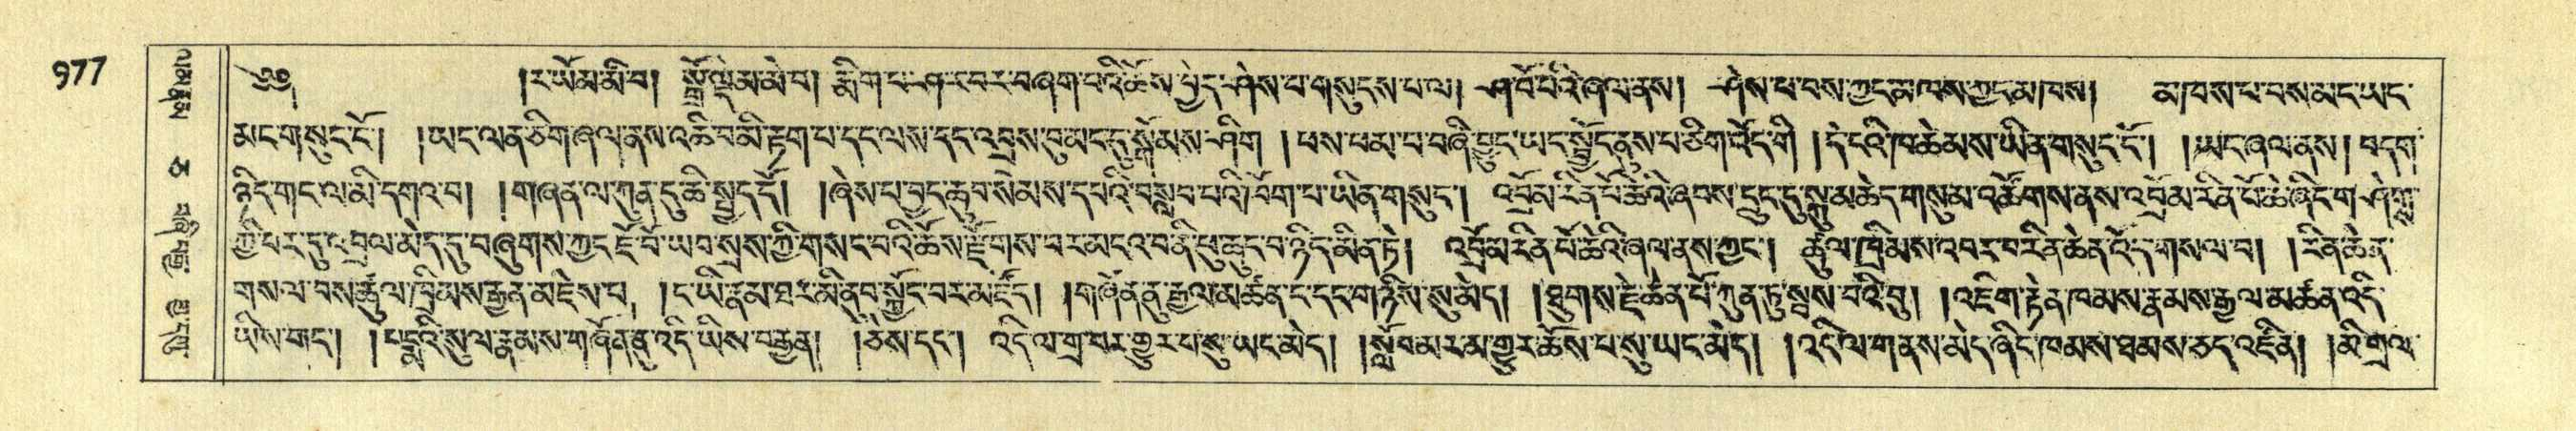༄༅། །ར་ཡོམ་མི་བ། སྒྲོ་ལྡེམ་མེ་བ། རྨིག་པ་ཤ་ར་བར་བཞག་བའི་ཆོས་བྱེད་ཤེས་པ་གསུངས་པ་ལ། ཤ་བོ་པའི་ཞལ་ནས། ཤེས་ཕ་བས་ཀྱང་མཁས་ཀྱང་མཁས། མཁས་པ་བས་མང་ཡང་
མང་གསུང་ངོ། །ཡང་ལན་ཅིག་ཞལ་ནས་འཆི་བ་མི་རྟག་པ་དང་ལས་དང་འབྲས་བུ་མང་དུ་སྒོམས་ཤིག །ཕས་ཕམ་པ་བཞི་བྱུང་ཡང་སྦྱོད་ནུས་པ་ཅིག་འོང་གི །དེ་ངའི་ཁ་ཆེམས་ཡིན་གསུང་ངོ། །ཡང་ཞལ་ནས། བདག་
ཉིད་གང་ལ་མི་དགའ་བ། །གཞན་ལ་ཀུན་དུ་ཆི་སྤྱད་དོ། །ཞེས་པ་བྱང་ཆུབ་སེམས་དཔའི་བསླབ་པའི་ཁོག་པ་ཡིན་གསུང་། འབྲོམ་རིན་པོ་ཆེའི་ཞབས་དྲུང་དུ་སྐུ་མཆེད་གསུམ་འཚོགས་ནས་འབྲོམ་རིན་པོ་ཆེ་ཞིང་གཤེགས་
ཀྱི་པར་དུ་འབྲལ་མེད་དུ་བཞུགས་ཀྱང་ཇོ་བོ་ཡབ་སྲས་ཀྱི་གསང་བའི་ཆོས་རྫོགས་བར་མངའ་བ་ནི་ཕུ་ཆུང་བ་ཉིད་མིན་ཏེ། འབྲོམ་རིན་པོ་ཆེའི་ཞལ་ནས་ཀྱང་། ཚུལ་ཁྲིམས་འབར་བ་རིན་ཆེན་འོད་གསལ་བ། །རིན་ཆེན་
གསལ་བས་ཚུལ་ཁྲིམས་རྒྱན་མཇེས་པ། །ང་ཡི་རྣམ་ཐར་མི་ནུབ་སྐྱོང་བར་མཛོད། །གཞོན་ནུ་རྒྱལ་མཚན་ང་དང་གཉིས་སུ་མེད། །ཐུགས་རྗེ་ཆེན་པོ་ཀུན་ཏུ་སྦས་པའི་བུ། །འཇིག་རྟེན་ཁམས་རྣམས་རྒྱལ་མཚན་འདི་
ཡིས་གང་། །པདམའི་སུལ་རྣམས་གཞོན་ནུ་འདི་ཡིས་བརྒྱན། །ཅེས་དང་། འདི་ལ་གྲ་བར་གྱུར་པ་སུ་ཡང་མེད། །སློབ་མར་མ་གྱུར་ཆོས་པ་སུ་ཡང་མེད། །འདི་ལ་གནས་མེད་ཞིང་ཁམས་ཐམས་ཅད་འཛིན། །མི་གྲལ་